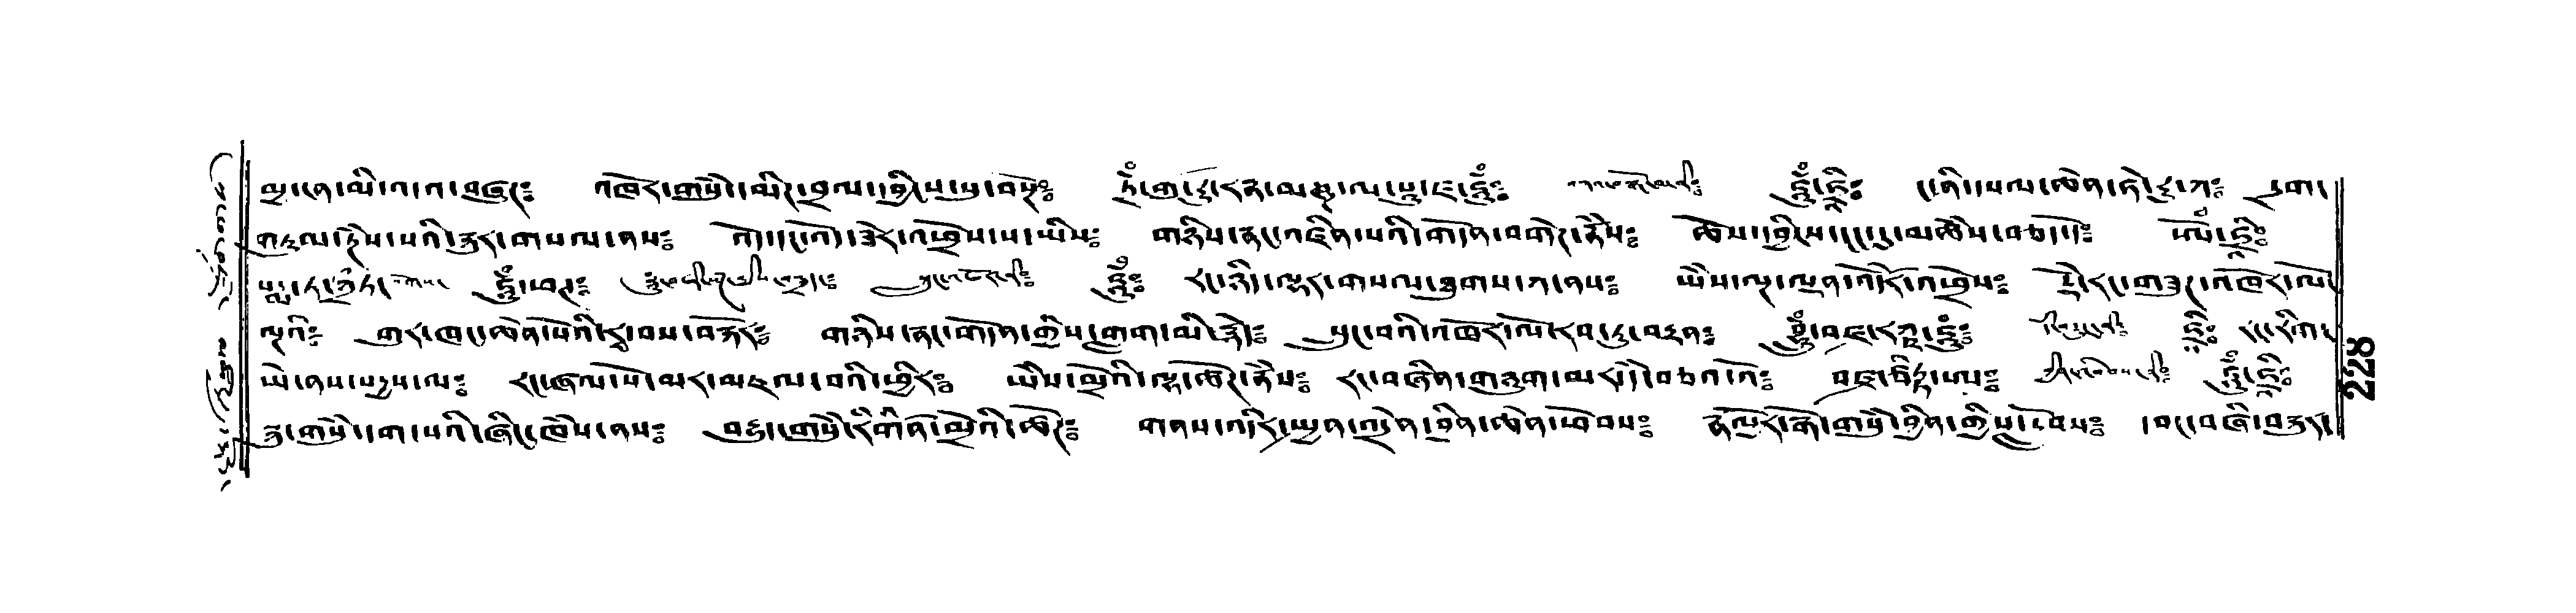མྱ་ངན་མི་འདའ་བཞུགས༔ འཁོར་གསུམ་དམིགས་བྲལ་དབྱིངས་སུ་བསྔོ༔ ཏྲྃ་གུ་རུ་རཏྣ་མཎྜ་ལ་པཱུ་ཛ་ཧཱུྃ༔ བཀའ་བསྒོ་བ་ནི༔ ཧཱུྃ་ཧྲཱིཿ ང་ནི་དཔལ་ཆེན་ཧེ་རུ་ཀ༔ དྲག་
གཏུམ་རྔམས་པའི་སྐུར་གསལ་ནས༔ འོད་དང་འོད་ཟེར་འཕྲོས་པ་ཡིས༔ གཉིས་སྣང་འཛིན་པའི་གདོན་བགེགས་རྣམས༔ ཆོས་དབྱིངས་ངང་དུ་མཚམས་བཅད་དོ༔ ཨོཾ་ཧྲཱིཿ 
པདྨ་ཏི་ཀྲྀ་ཏ་སོགས༔ ཧཱུྃ་ཕཊཿ ཧཱུྃ་བཞི་སོགས་ཀྱི་བསྐྲད༔སྲུང་འཁོར་ནི༔ ཧཱུྃ༔ རང་ཉིད་ལྷར་གསལ་ཐུགས་ཀ་ནས༔ ཡེ་ཤེས་ལྔ་ལྡན་འོད་ཟེར་འཕྲོས༔ རྡོ་རྗེ་རང་གཟུགས་འཁོར་ལོ་
ལྔའི༔ གུར་ཁང་ཆེན་པོའི་རྭ་བས་བསྐོར༔ གཉིས་སྣང་གདོན་གྱིས་གླགས་མི་རྙེད༔ སྲུང་བའི་འཁོར་ལོ་རབ་ཏུ་བརྟན༔ བྷྲཱུྃ་བཛྲ་རཀྵ་ཧྃའ྄྄ུ༔ དམ་བཟུང་ནི༔ ཧྲཱིཿ རང་རིག་
ཡེ་ནས་སངས་རྒྱས་ལ༔ རང་ཞལ་སོ་མར་མཇལ་བའི་ཕྱིར༔ ཡེ་ཤེས་མཁའ་འགྲོའི་ལྷ་ཚོགས་རྣམས༔ རང་བཞིན་གཉུག་མར་དམ་བཅའ་འོ༔ བཛྲ་ཙིཏྟ་ཨ༔ བྱིན་འབེབས་ནི༔ ཧཱུྃ་ཧྲཱིཿ 
སྐུ་གསུམ་དག་པའི་ཞིང་ཁམས་ནས༔ བརྒྱུད་གསུམ་རིག་འཛིན་མཁའ་འགྲོའི་ཚོགས༔ གནས་འདིར་སྤྱན་འདྲེན་བྱིན་ཆེན་ཕོབས༔ རྣལ་འབྱོར་སྒོ་གསུམ་བྱིན་གྱིས་རློབས༔ དབང་བཞི་བསྐུར་